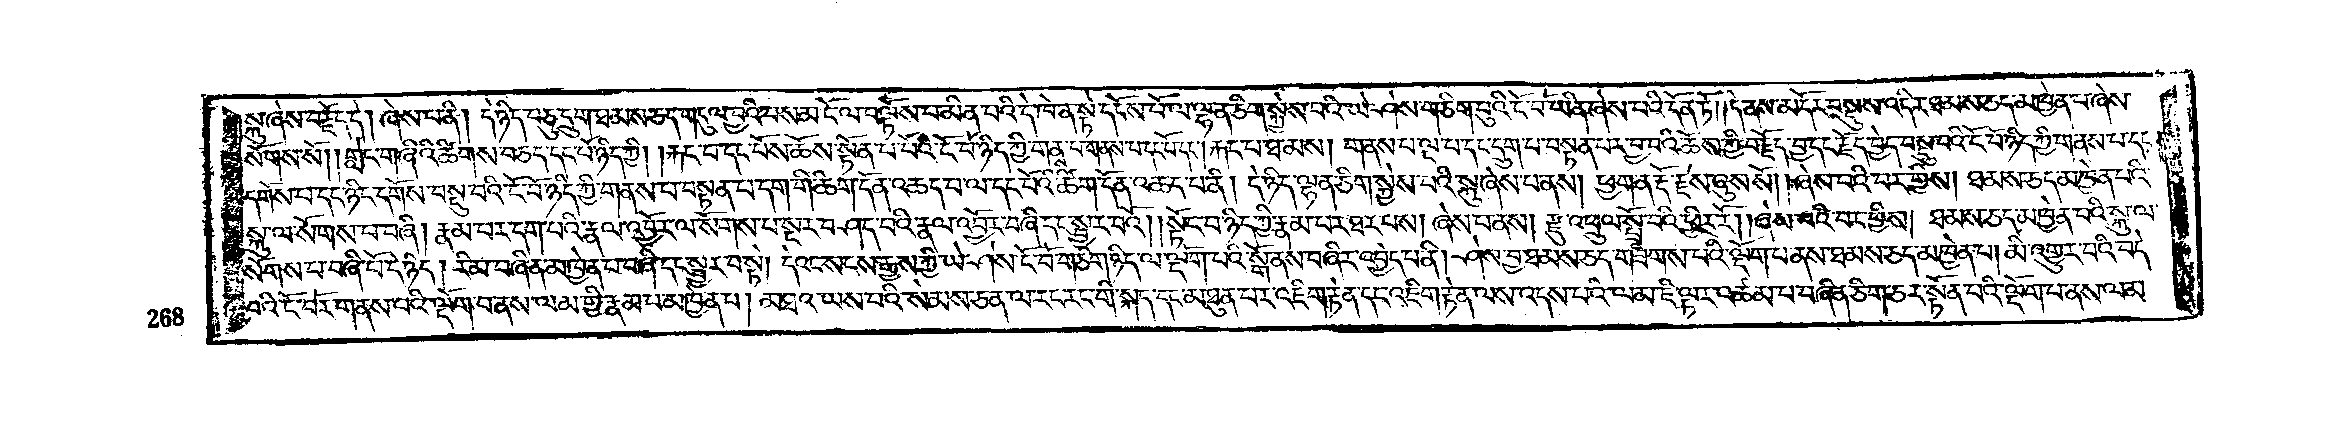སྐུ་ཞེས་བརྗོད་དེ། ཞེས་པ་ནི། དེ་ཉིད་བཅུ་དྲུག་ཐམས་ཅད་གདུལ་བྱའི་བསམ་ངོ་ལ་བལྟོས་པ་མིན་པའི་དེ་ཁོ་ན་སྟེ་དངོས་པོ་ལ་ལྷན་ཅིག་སྐྱེས་པའི་ཡེ་ཤེས་གཅིག་པུའི་ངོ་བོ་ཡིན་ཞེས་པའི་དོན་ཏོ། །དེ་ནས་མདོར་བསྡུས་འདིར་ཐམས་ཅད་མཁྱེན་པ་ཞེས་
སོགས་སོ། །གླེང་གཞིའི་ཚིགས་བཅད་དང་པོ་ཉིད་ཀྱི། །རྐང་པ་དང་པོས་ཆོས་སྟོན་པ་པོའི་ངོ་བོ་ཉིད་ཀྱི་གནས་པ་གནས་པ་དང་པོ་དང་། རྐང་པ་ཐ་མས། གནས་པ་ལྔ་པ་དང་དྲུག་པ་བསྟན་པར་བྱ་བའི་ཆོས་ཀྱི་བརྗོད་བྱ་དང་རྗོད་བྱེད་བསྡུ་བའི་ངོ་བོ་ཉིད་ཀྱི་གནས་པ་དང་།
དགོས་པ་དང་ཉིད་དགོས་བསྡུ་བའི་ངོ་བོ་ཉིད་ཀྱི་གནས་པ་བསྟན་པ་དག་གི་ཚིག་དོན་འཆད་པ་ལ་དང་པོའི་ཚིག་དོན་འཆད་པ་ནི། དེ་ཉིད་ལྷན་ཅིག་སྐྱེས་པའི་སྐུ་ཞེས་པ་ནས། ཕྱག་ན་རྡོ་རྗེས་ཞུས་སོ། །ཞེས་པའི་བར་གྱིས། ཐམས་ཅད་མཁྱེན་པའི་
སྐུ་ལ་སོགས་པ་བཞི། རྣམ་པར་དག་པའི་རྣལ་འབྱོར་ལ་སོགས་པ་སྔར་བཤད་པའི་རྣལ་འབྱོར་བཞི་དང་སྦྱར་བའོ། །སྟོང་པ་ཉིད་ཀྱི་རྣམ་པར་ཐར་པས། ཞེས་པ་ནས། རྫུ་འཕྲུལ་སྤྲོ་བའི་ཕྱིར་རོ། །ཞེས་པའི་བར་གྱིས། ཐམས་ཅད་མཁྱེན་པའི་སྐུ་ལ་
སོགས་པ་བཞི་པོ་དེ་ཉིད། རིམ་བཞིན་མཁྱེན་པ་བཞི་དང་སྦྱར་བ་སྟེ། དེའང་སངས་རྒྱས་ཀྱི་ཡེ་ཤེས་ངོ་བོ་གཅིག་ཉིད་ལ་ལྡོག་པའི་སྒོ་ནས་བཞིར་འབྱེད་པ་ནི། ཤེས་བྱ་ཐམས་ཅད་གཟིགས་པའི་ལྡོག་པ་ནས་ཐམས་ཅད་མཁྱེན་པ། མི་འགྱུར་བའི་བདེ་
བའི་ངོ་བོར་གནས་པའི་ལྡོག་པ་ནས་ལམ་གྱི་རྣམ་པ་མཁྱེན་པ། མཐའ་ཡས་པའི་སེམས་ཅན་ལ་རང་རང་གི་སྐད་དང་མཐུན་པར་འཇིག་རྟེན་དང་འཇིག་རྟེན་ལས་འདས་པའི་ལམ་ཇི་ལྟར་འཚམ་པ་བཞིན་ཅིག་ཅར་སྟོན་པའི་ལྡོག་པ་ནས་ལམ་